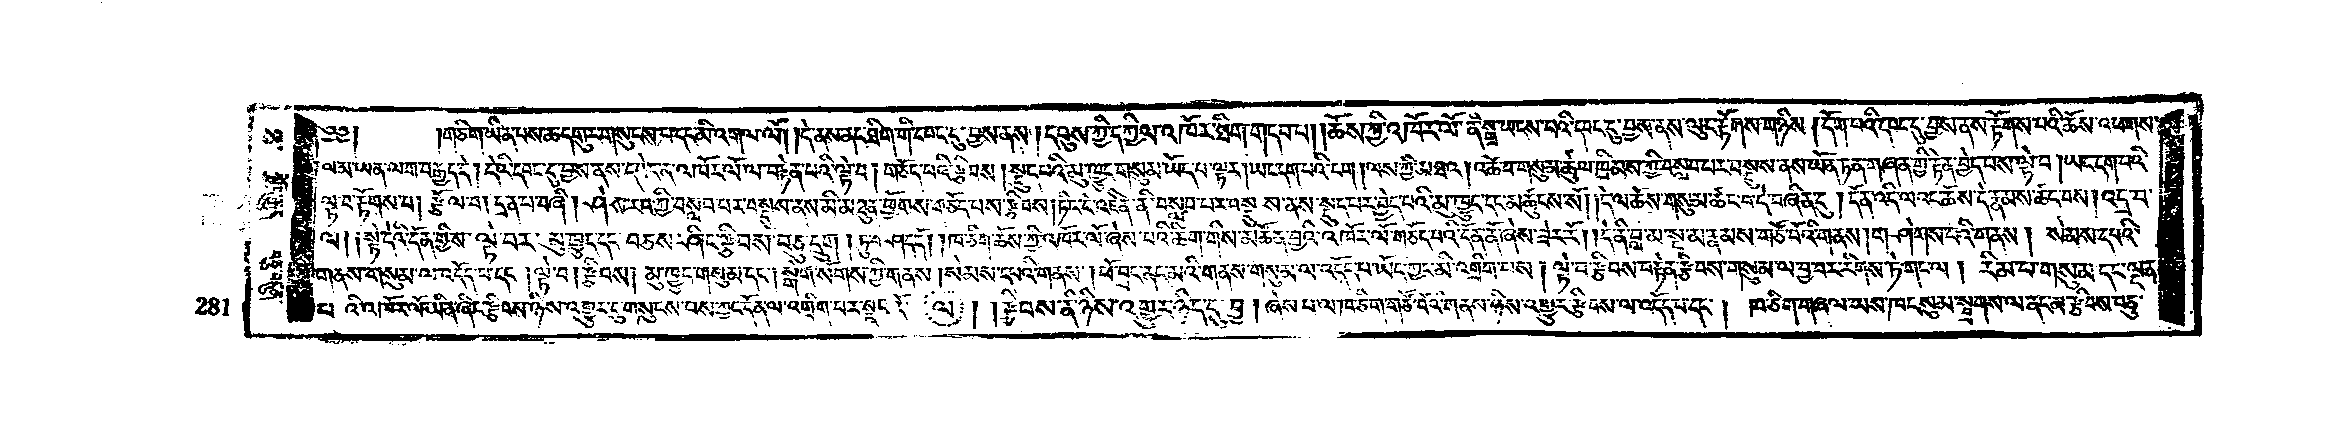༄༅། །གཅིག་ཡིན་པས་ཆ་དགུར་གསུངས་པ་དང་མི་འགལ་ལོ། །དེ་ནས་ནང་ཐིག་གི་དབང་དུ་བྱས་ནས། དབུས་ཀྱི་དཀྱིལ་འཁོར་ཐིག་གདབ་པ། །ཆོས་ཀྱི་འཁོར་ལོ་ནི་སྒྲ་ཡངས་པའི་དབང་དུ་བྱས་ནས་ལུང་རྟོགས་གཉིས། དོག་པའི་དབང་དུ་བྱས་ནས་རྟོགས་པའི་ཆོས། འཕགས་
ལམ་ཡན་ལག་བརྒྱད་དེ། དེའི་དབང་དུ་བྱས་ནས་དཔེ་ན་འཁོར་ལོ་ལ་བརྟེན་པའི་ལྟེ་བ། གཅོད་པའི་རྩིབས། སྡུད་པའི་མུ་ཁྱུད་གསུམ་ཡོད་པ་ལྟར། ཡང་དག་པའི་ངག །ལས་ཀྱི་མཐའ། འཚོ་བ་གསུམ་ཚུལ་ཁྲིམས་ཀྱི་བསླབ་པར་བསྡུས་ནས་ཡོན་ཏན་གཞན་གྱི་རྟེན་བྱེད་པས་ལྟེ་བ། ཡང་དག་པའི་
ལྟ་བ་རྟོགས་པ། རྩོལ་བ། དྲན་པ་བཞི། ཤེས་རབ་ཀྱི་བསླབ་པར་བསྡུས་ནས་མི་མཐུན་ཕྱོགས་གཅོད་པས་རྩིབས། ཏིང་ངེ་འཛིན་ནི་བསླབ་པར་བསྡུས་ནས་སྡུད་པར་བྱེད་པའི་མུ་ཁྱུད་དང་མཚུངས་སོ། །དེ་ལ་ཆོས་གསུམ་ཚང་བ་དེ་བཞིན་དུ། དོན་འདི་ལའང་ཆོས་དེ་རྣམས་ཚང་བས། འདྲ་བ་
ལ། །སྟེ་དེའི་དོན་གྱིས་ལྟེ་བར་མུ་ཁྱུད་དང་བཅས་ཤིང་རྩིབས་བཅུ་དྲུག །ཏུ་བཤད་དོ། །ཁ་ཅིག་ཆོས་ཀྱི་འཁོར་ལོ་ཞེས་པའི་ཚིག་གིས་མཚོན་བྱའི་འཁོར་ལོ་གཅོད་པའི་དོན་ནོ་ཞེས་ཟེར་རོ། །དེ་ནི་བླ་མ་སྔ་མ་རྣམས་གཙོ་བོའི་གནས། གཤེགས་པའི་གནས། སེམས་དཔའི་
གནས་གསུམ་ལ་འདོད་པ་དང་། ལྟེ་བ། རྩིབས། མུ་ཁྱུད་གསུམ་དང་། སྒོག་སོགས་ཀྱི་གནས། སེམས་དཔའི་གནས། ཕོ་བྲང་ནང་མའི་གནས་གསུམ་ལ་འདོད་པ་ཡོད་ཀྱང་མི་འགྲིག་པས། ལྟེ་བ་རྩིབས་བརྟེན་རྩིབས་གསུམ་ལ་བྱ་བར་རིགས་ཏེ་གང་ལ། རིམ་པ་གསུམ་དང་ལྡན་
པའི་འཁོར་ལོ་ཡིན་ཞིང་རྩིབས་ཉིས་འགྱུར་དུ་གསུངས་པས་ཀྱང་དོན་ལ་འགྲིག་པར་སྣང་ངོ་ལ། །རྩིབས་ནི་ཉིས་འགྱུར་ཉིད་དུ་བྱ། ཞེས་པ་ལ་ཁ་ཅིག་གཙོ་བོའི་གནས་ཉིས་འགྱུར་རྩིབས་ལ་འདོད་པ་དང་། ཁ་ཅིག་གཞལ་ཡས་ཁང་སུམ་སྦྲགས་ལ་ནང་མི་རྩིབས་བཅུ་